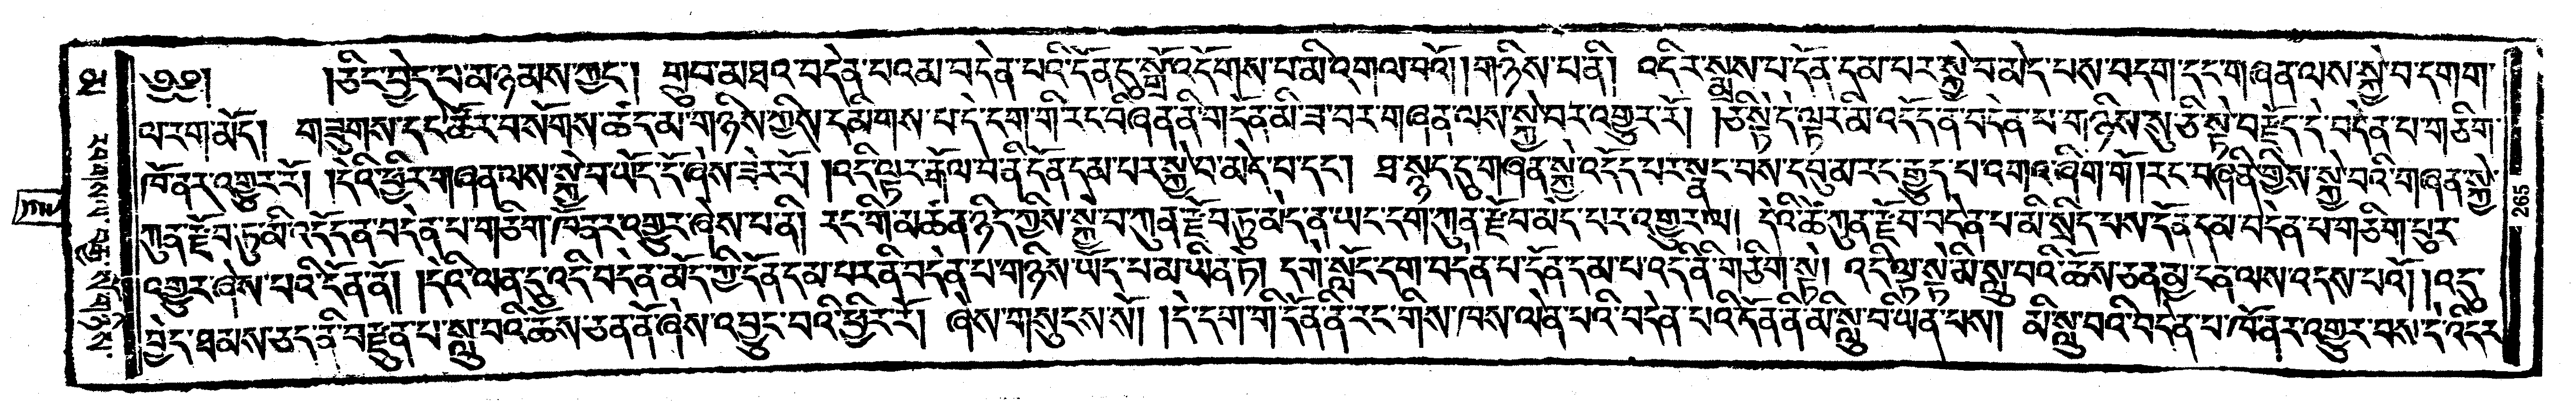༄༅། །ཅིང་བྱེད་པ་མ་ཉམས་ཀྱང་། གྲུབ་མཐའ་བདེན་པའམ་བདེན་པའི་དོན་དུ་སྒྲོ་འདོགས་པ་མི་འགལ་བའོ། །གཉིས་པ་ནི། འདིར་སྨྲས་པ་དོན་དམ་པར་སྐྱེ་བ་མེད་པས་བདག་དང་གཞན་ལས་སྐྱེ་བ་དགག་
ལ་རག་མོད། གཟུགས་དང་ཚོར་བ་སོགས་ཚད་མ་གཉིས་ཀྱིས་དམིགས་པ་དེ་དག་གི་རང་བཞིན་ནི་གདོན་མི་ཟ་བར་གཞན་ལས་སྐྱེ་བར་འགྱུར་རོ། །ཅི་སྟེ་དེ་ལྟར་མི་འདོད་ན་བདེན་པ་གཉིས་སུ་ཅི་སྟེ་བརྗོད་དེ་བདེན་པ་གཅིག་
ཁོ་ནར་འགྱུར་རོ། །དེའི་ཕྱིར་གཞན་ལས་སྐྱེ་བ་ཡོད་དོ་ཞེས་ཟེར་རོ། །འདི་ལྟར་རྒོལ་བ་ནི་དོན་དམ་པར་སྐྱེ་བ་མེད་པ་དང་། ཐ་སྙད་དུ་གཞན་སྐྱེ་འདོད་པར་སྣང་བས་དབུ་མ་རང་རྒྱུད་པ་འགའ་ཞིག་གོ །རང་བཞིན་གྱིས་སྐྱེ་བའི་གཞན་སྐྱེ་
ཀུན་རྫོབ་ཏུ་མི་འདོད་ན་བདེན་པ་གཅིག་ཁོ་ནར་འགྱུར་ཞེས་པ་ནི། རང་གི་མཚན་ཉིད་ཀྱིས་སྐྱེ་བ་ཀུན་རྫོབ་ཏུ་མེད་ན་ཡང་དག་ཀུན་རྫོབ་མེད་པར་འགྱུར་ལ། དེའི་ཚེ་ཀུན་རྫོབ་བདེན་པ་མི་སྲིད་པས་དོན་དམ་བདེན་པ་གཅིག་པུར་
འགྱུར་ཞེས་པའི་དོན་ནོ། །དེའི་ལན་དུ་འདི་བདེན་མོད་ཀྱི་དོན་དམ་པར་ནི་བདེན་པ་གཉིས་ཡོད་པ་མ་ཡིན་ཏེ། དགེ་སློང་དག་བདེན་པ་དོན་དམ་པ་འདི་ནི་གཅིག་སྟེ། འདི་ལྟ་སྟེ་མི་སླུ་བའི་ཆོས་ཅན་མྱ་ངན་ལས་འདས་པའོ། །འདུ་
བྱེད་ཐམས་ཅད་ནི་བརྫུན་པ་སླུ་བའི་ཆོས་ཅན་ནོ་ཞེས་འབྱུང་བའི་ཕྱིར་རོ། ཞེས་གསུངས་སོ། །དེ་དག་གི་དོན་ནི་རང་གིས་ཁས་ལེན་པའི་བདེན་པའི་དོན་ནི་མི་སླུ་བ་ཡིན་པས། མི་སླུ་བའི་བདེན་པ་ཁོ་ནར་འགྱུར་བས་དེ་འདིར་